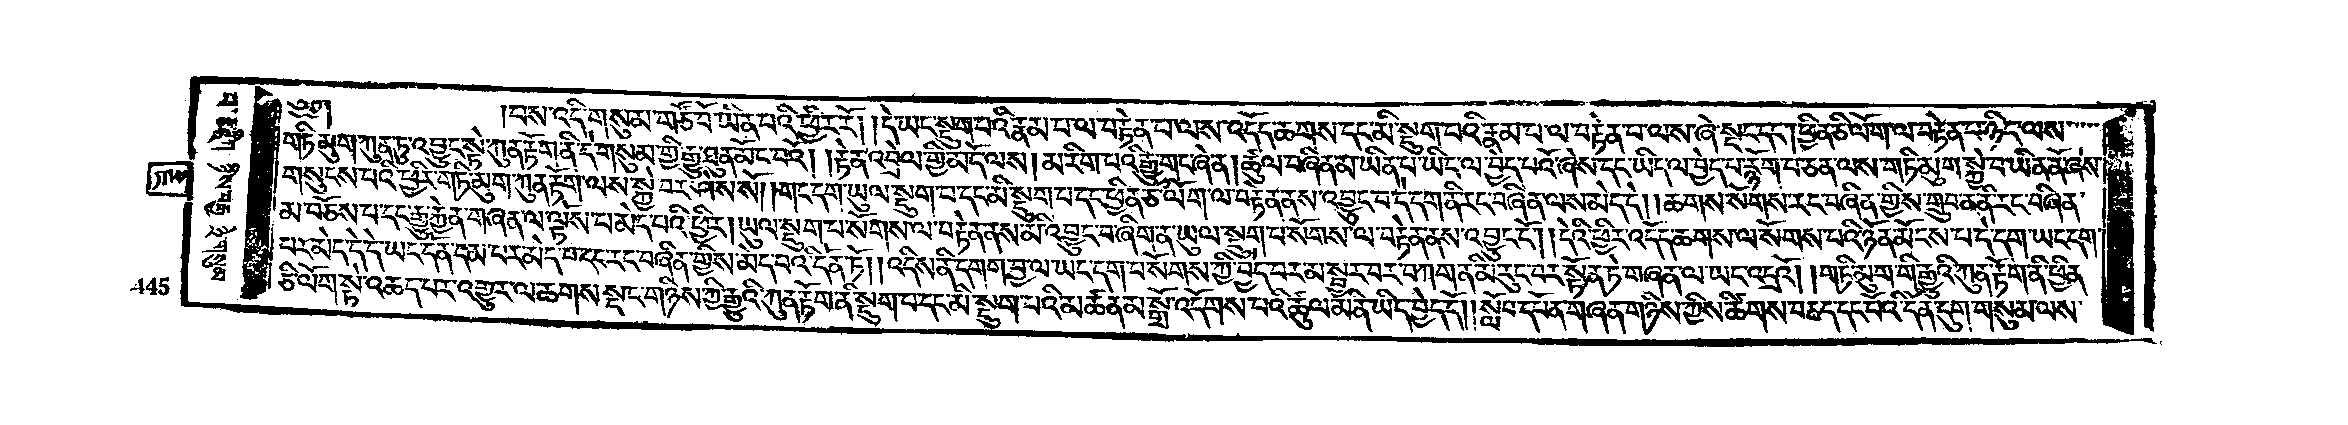༄༅། །པས་འདི་གསུམ་གཙོ་བོ་ཡིན་པའི་ཕྱིར་རོ། །དེ་ཡང་སྡུག་པའི་རྣམ་པ་ལ་བརྟེན་པ་ལས་འདོད་ཆགས་དང་མི་སྡུག་པའི་རྣམ་པ་ལ་བརྟེན་པ་ལས་ཞེ་སྡང་དང་། ཕྱིན་ཅི་ལོག་ལ་བརྟེན་པ་ཉིད་ལས་
གཏི་མུག་ཀུན་ཏུ་འབྱུང་སྟེ་ཀུན་རྟོག་ནི་དེ་གསུམ་གྱི་རྒྱུ་ཐུན་མོང་པའོ། །རྟེན་འབྲེལ་གྱི་མདོ་ལས། མ་རིག་པའི་རྒྱུ་གང་ཞེ་ན། ཚུལ་བཞིན་མ་ཡིན་པ་ཡིད་ལ་བྱེད་པའོ་ཞེས་དང་ཡིད་ལ་བྱེད་པ་རྙོག་པ་ཅན་ལས་གཏི་མུག་སྐྱེ་བ་ཡིན་ནོ་ཞེས་
གསུངས་པའི་ཕྱིར་གཏི་མུག་ཀུན་རྟོག་ལས་སྐྱེ་བར་ཤེས་སོ། །གང་དག་ཡུལ་སྡུག་པ་དང་མི་སྡུག་པ་དང་ཕྱིན་ཅི་ལོག་ལ་བརྟེན་ནས་འབྱུང་བ་དེ་དག་ནི་རང་བཞིན་ལས་མེད་དེ། །ཆགས་སོགས་རང་བཞིན་གྱིས་གྲུབ་ན་ནི་རང་བཞིན་
མ་བཅོས་པ་དང་རྒྱུ་རྐྱེན་གཞན་ལ་ལྟོས་པ་མེད་པའི་ཕྱིར། ཡུལ་སྡུག་པ་སོགས་ལ་བརྟེན་ནས་མི་འབྱུང་བ་ཞིག་ན་ཡུལ་སྡུག་པ་སོགས་ལ་བརྟེན་ནས་འབྱུང་ངོ། །དེའི་ཕྱིར་འདོད་ཆགས་ལ་སོགས་པའི་ཉེན་མོངས་པ་དེ་དག་ཡང་དག་
པར་མེད་དེ་དེ་ཡང་དོན་དམ་པར་མེད་པ་རང་བཞིན་གྱིས་མེད་པའི་དོན་ཏོ། །འདིས་ནི་དགག་བྱ་ལ་ཡང་དག་པ་སོགས་ཀྱི་བྱེད་པར་མ་སྦྱར་བར་བཀག་ན་མི་རུང་བར་སྟོན་ཏེ་གཞན་ལ་ཡང་འདྲའོ། །གཏི་མུག་གི་རྒྱུའི་ཀུན་རྟོག་ནི་ཕྱིན་
ཅི་ལོག་སྟེ་འཆད་པར་འགྱུར་ལ་ཆགས་སྡང་གཉིས་ཀྱི་རྒྱུའི་ཀུན་རྟོག་ནི་སྡུག་པ་དང་མི་སྡུག་པའི་མཚན་མ་སྒྲོ་འདོགས་པའི་ཚུལ་མིན་ཡིད་བྱེད་དོ། །སློབ་དཔོན་གཞན་གཉིས་ཀྱིས་ཚིགས་བཅད་དང་པོའི་དོན་དུག་གསུམ་ལས་